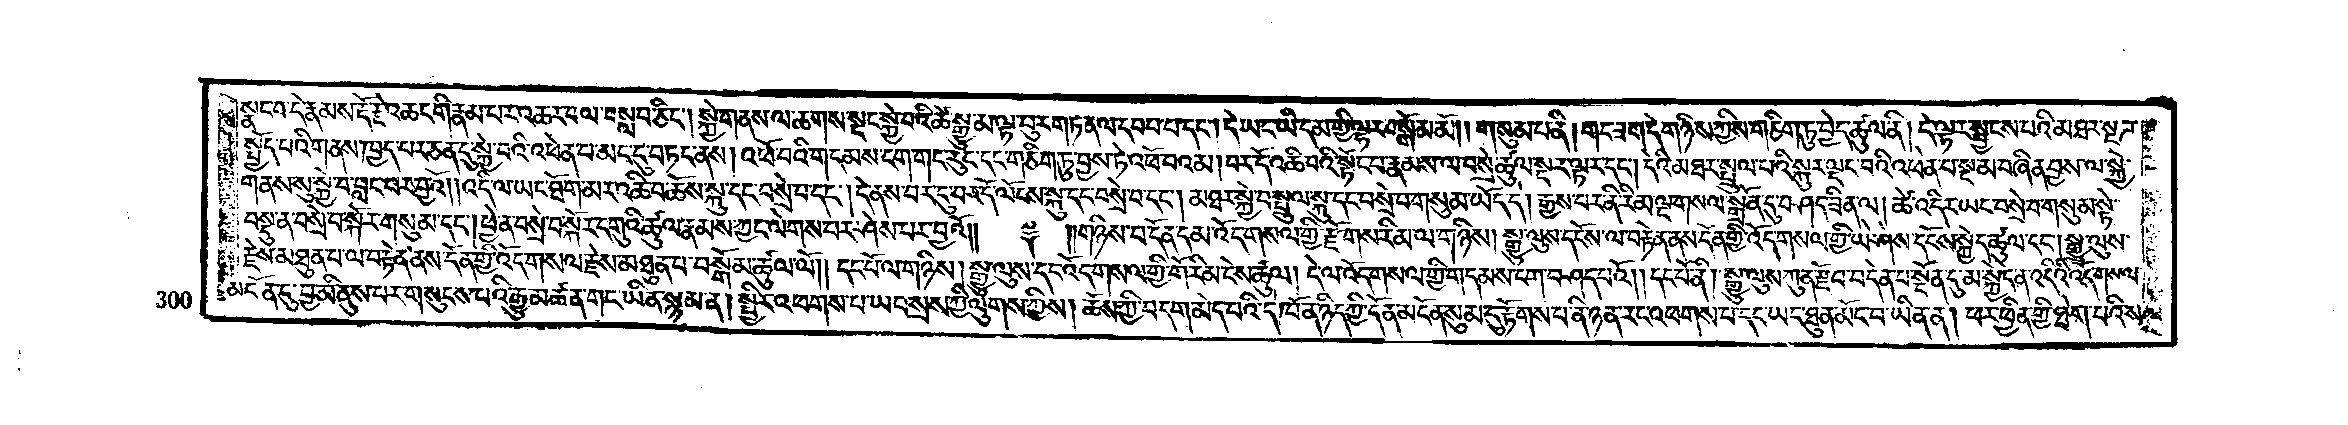སྣང་བ་དེ་རྣམས་རྡོ་རྗེ་འཆང་གི་རྣམ་པར་འཆར་བ་ལ་བསླབ་ཅིང་། སྐྱེ་གནས་ལ་ཆགས་སྡང་སྐྱེ་བའི་ཚེ་སྒྱུ་མ་ལྟ་བུར་གཏན་ལ་དབབ་པ་དང་། དེ་ཡང་ཡི་དམ་གྱི་ལྷར་བསྒོམ་མོ། །གསུམ་པ་ནི། གང་ཟག་དེ་གཉིས་ཀྱིས་གཅིག་ཏུ་བྱེད་ཚུལ་ནི། དེ་ལྟར་སྦྱངས་པའི་མཐར་སྔགས་
སྤྱོད་པའི་གནས་ཁྱད་པར་ཅན་དུ་སྐྱེ་བའི་འཕེན་པ་མང་དུ་བཏང་ནས། འཕོ་བའི་གདམས་ངག་གང་རུང་དང་གཅིག་ཏུ་བྱས་ཏེ་འཕོ་བའམ། བར་དོ་འཆི་བའི་སྟོང་པ་རྣམས་ལ་བསྲེ་ཚུལ་སྔར་ལྟར་དང་། དེའི་མཐར་སྤྲུལ་པའི་སྐུར་ལྡང་བའི་འཕེན་པ་སྔ་མ་བཞིན་བྱས་ལ་སྐྱེ་
གནས་སུ་སྐྱེ་བ་བླང་བར་བྱའོ། །འདི་ལ་ཡང་ཐོག་མར་འཆི་བ་ཆོས་སྐུ་དང་བསྲེ་བ་དང་། དེ་ནས་བར་དུ་བར་དོ་ལོངས་སྐུ་དང་བསྲེ་བ་དང་། མཐར་སྐྱེ་བ་སྤྲུལ་སྐུ་དང་བསྲེ་བ་གསུམ་ཡོད་དེ། རྒྱས་པར་ནི་རིམ་ལྔ་གསལ་སྒྲོན་དུ་བཤད་ཟིན་ལ། ཚེ་འདིར་ཡང་བསྲེ་བ་གསུམ་སྟེ་
བསྡུ་ན་བསྲེ་བསྐོར་གསུམ་དང་། ཕྱེ་ན་བསྲེ་བསྐོར་དགུའི་ཚུལ་རྣམས་ཀྱང་ལེགས་པར་ཤེས་པར་བྱའོ།། ༈ །།གཉིས་པ་དོན་དམ་འོད་གསལ་གྱི་རྫོགས་རིམ་ལ་གཉིས། སྒྱུ་ལུས་དངོས་ལ་བརྟེན་ནས་དོན་གྱི་འོད་གསལ་གྱི་ཡེ་ཤེས་དངོས་སྐྱེད་ཚུལ་དང་། སྒྱུ་ལུས་
རྗེས་མཐུན་པ་ལ་བརྟེན་ནས་དོན་གྱི་འོད་གསལ་རྗེས་མཐུན་པ་བསྒོམ་ཚུལ་ལོ། །དང་པོ་ལ་གཉིས། སྒྱུ་ལུས་དང་འོད་གསལ་གྱི་གོ་རིམ་ངེས་ཚུལ། དེ་ལ་འོད་གསལ་གྱི་གདམས་ངག་བཤད་པའོ། །དང་པོ་ནི། སྒྱུ་ལུས་ཀུན་རྫོབ་བདེན་པ་སྔོན་དུ་མ་སྐྱེད་ན་འདིའི་འོད་གསལ་
མངོན་དུ་བྱ་མི་ནུས་པར་གསུངས་པའི་རྒྱུ་མཚན་གང་ཡིན་སྙམ་ན། སྤྱིར་འཕགས་པ་ཡབ་སྲས་ཀྱི་ལུགས་ཀྱིས། ཆོས་ཀྱི་བདག་མེད་པའི་དེ་ཁོ་ན་ཉིད་ཀྱི་དོན་མངོན་སུམ་དུ་རྟོགས་པ་ནི་ཉན་རང་འཕགས་པ་དང་ཡང་ཐུན་མོང་བ་ཡིན་ན། ཕར་ཕྱིན་གྱི་ཐེག་པའི་སབ་